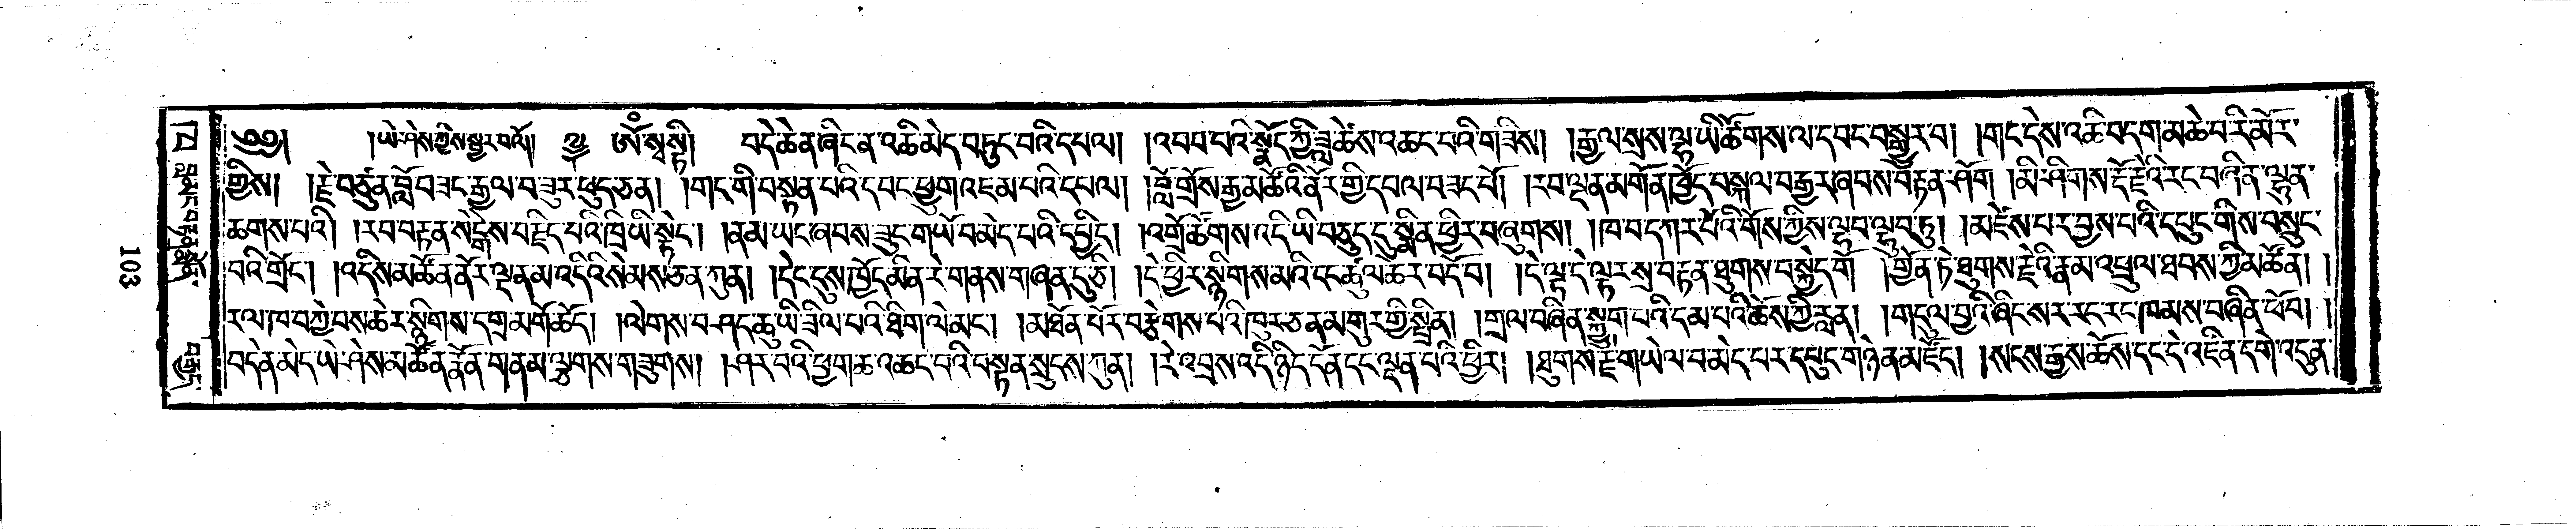༄༅། །ཡེ་ཤེས་ཀྱིས་སྦྱར་བའོ།། ༈ ཨོཾ་སྭ་སྟི། བདེ་ཆེན་ཞིང་ན་འཆི་མེད་བཏུང་བའི་དཔལ། །འབབ་པའི་སྣོད་ཀྱི་ཟླ་ཚེས་འཆང་བའི་གཟིས། །རྒྱལ་སྲས་ལྷ་ཡི་ཚོགས་ལ་དབང་བསྒྱུར་བ། །གང་དེས་འཆི་བདག་མཆེ་བ་རི་མོར་
གྱིས། །རྗེ་བཙུན་བློ་བཟང་རྒྱལ་བ་ཟུར་ཕུད་ཅན། །གང་གི་བསྟན་པའི་དབང་ཕྱུག་འཇམ་པའི་དཔལ། །བློ་གྲོས་རྒྱ་མཚོའི་ནོར་གྱི་དཔལ་བཟང་པོ། །རབ་ལྡན་མགོན་ཁྱོད་བསྐལ་བརྒྱར་ཞབས་བརྟན་ཤོག །མི་ཤིགས་རྡོ་རྗེའི་རང་བཞིན་ལྷུན་
ཆགས་པའི། །རབ་བརྟན་སེངྒེས་བརྗིད་པའི་ཁྲི་ཡི་སྟེང་། །ནམ་ཡང་ཞབས་ཟུང་གཡོ་བ་མེད་པའི་དཔྱིད། །འགྲོ་ཚོགས་འདི་ཡི་བཅུད་དུ་སྨིན་ཕྱིར་བཞུགས། །ཁ་བ་དཀར་པོའི་གོས་ཀྱིས་ལྷབ་ལྷུབ་ཏུ། །མཛེས་པར་བྱས་པའི་དཔུང་གིས་བསྲུང་
བའི་གྲོང་། །འདིས་མཚོན་ནོར་ལྡན་མ་འདིའི་སེམས་ཅན་ཀུན། །དེང་དུས་ཁྱོད་མིན་རེ་གནས་གཞན་དུ་ཅི། །དེ་ཕྱིར་སྙིགས་མའི་དང་ཚུལ་ཆེར་བདོ་བ། །དེ་ལྟ་དེ་ལྟར་སྲ་བརྟན་ཐུགས་བསྐྱེད་གོ །གྱོན་ཏེ་ཐུགས་རྗེའི་རྣམ་འཕྲུལ་ཐབས་ཀྱི་མཚོན། །
རལ་ཁ་བཀྱེ་བས་ཆེར་སྙིགས་དགྲ་མགོ་ཆོད། །ལེགས་བཤད་ཆུ་ཡི་ཟིལ་བའི་ཐིག་ལེ་མང་། །མཐོན་པོར་བརྩེགས་པའི་ཁུར་ཅན་མགུར་གྱི་སྤྲིན། །གྲལ་བཞིན་སྐྱུག་པའི་དམ་པའི་ཆོས་ཀྱི་རླན། །གདུལ་བྱའི་ཞིང་སར་རང་རང་ཁམས་བཞིན་ཕོབ། །
བདེན་མེད་ཡེ་ཤེས་མཚོན་རྣོན་གནམ་ལྕགས་གཟུགས། །ཤར་བའི་ཕྱག་ཆ་འཆང་བའི་བསྟན་སྲུངས་ཀུན། །རེ་འབྲས་འདི་ཉིད་དོན་དང་ལྡན་པའི་ཕྱིར། །ཐུགས་རྗེ་གཡེལ་བ་མེད་པར་དཔུང་གཉེན་མཛོད། །སངས་རྒྱས་ཆོས་དང་དེ་འཛིན་དགེ་འདུན་